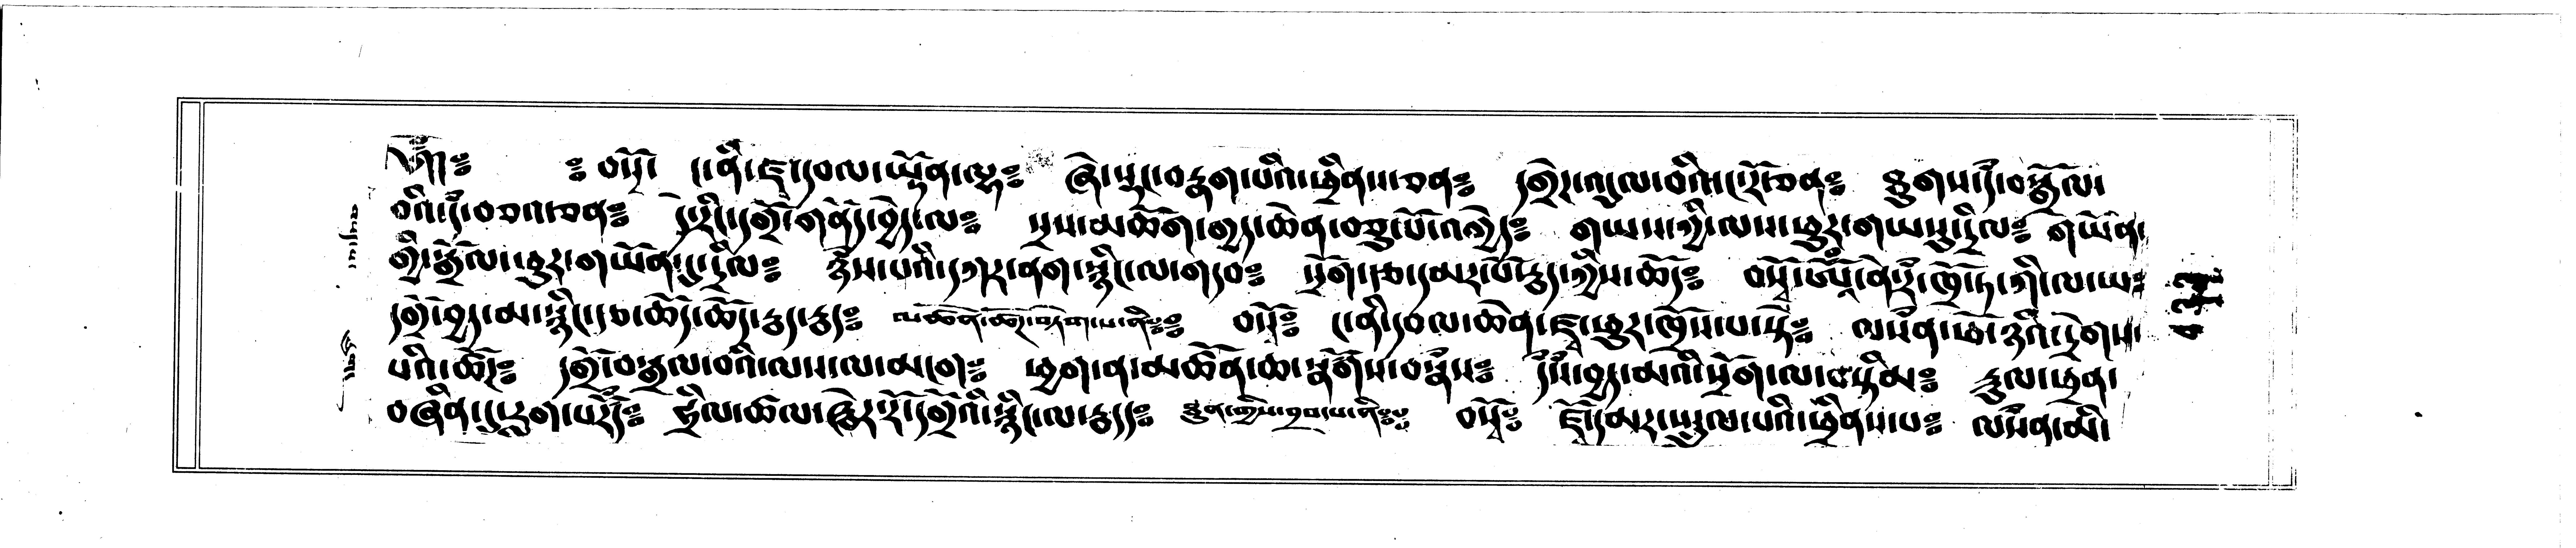༔བསྭོ་ང་ནི་ཛྭ་དབལ་ཡོན་ཏན་ལྷ༔ཞེ་སྡང་བརྣག་པའི་ཕྲིན་ལས་ཅན༔དགྲེགས་འདུལ་བའི་ང་རོ་ཅན༔ཐུགས་དམ་བསྒྲོལ་
བའི་དམ་བཅའ་ཅན༔དེ་རིང་དགྲ་བོ་གནོད་བྱེད་ལ༔སྲས་མཆོག་གྱད་ཆེན་བཅུ་པོ་འགྱེད༔གཡས་ཀྱི་ལས་ཕུར་གཡས་སུ་དྲིལ༔གཡོན་
གྱི་སྒྲོལ་ཕུར་གཡོན་དུ་དྲིལ༔ཉམས་པའི་དཀར་ནག་སྙིང་ལ་གདབ༔སྲོག་རྩ་དམར་པོ་རྦད་ཀྱིས་ཆོད༔བསྭོ་ཨཱོཾ་ནེ་རཾ་ཁྲོ་ཏ་ཀི་ལ་ཡ༔
དགྲ་བོ་བྱད་མ་སྙིང་རྩ་ཆོད་ཆོད་རྦད་རྦད༔མཚོན་ཆ་བཏེག་པ་ནི༔༔བསྭོ༔ང་ནི་དབལ་ཆེན་ཛྭ་ཕུར་ཁྲོས་པ་སྟེ༔ ལམ་མཁན་ཕོ་ཉ་དྲེགས་
པའི་ཚོགས༔དགྲ་བོ་བསྒྲལ་བའི་ལས་ལ་མངག༔ཕྱག་ན་མཚོན་ཆ་སྣ་ཚོགས་བསྣམས༔དམ་ཉམས་བྱད་མའི་སྲོག་ལ་བསྟིམ༔རྡུལ་ཕྲན་
བཞིན་དུ་རླག་པར་མཛོད༔ཧྲིལ་ཚལ་ཝེར་རོ་དགྲ་བོའི་སྙིང་ལ་རྦད་རྦད༔ཐུན་གྱིས་བྲབ་པ་ནི༔༔བསྭོ༔ཛྭོ་དམར་སྤྲུལ་པའི་ཕྲིན་ལས་པ༔ལས་མཁན་མི་